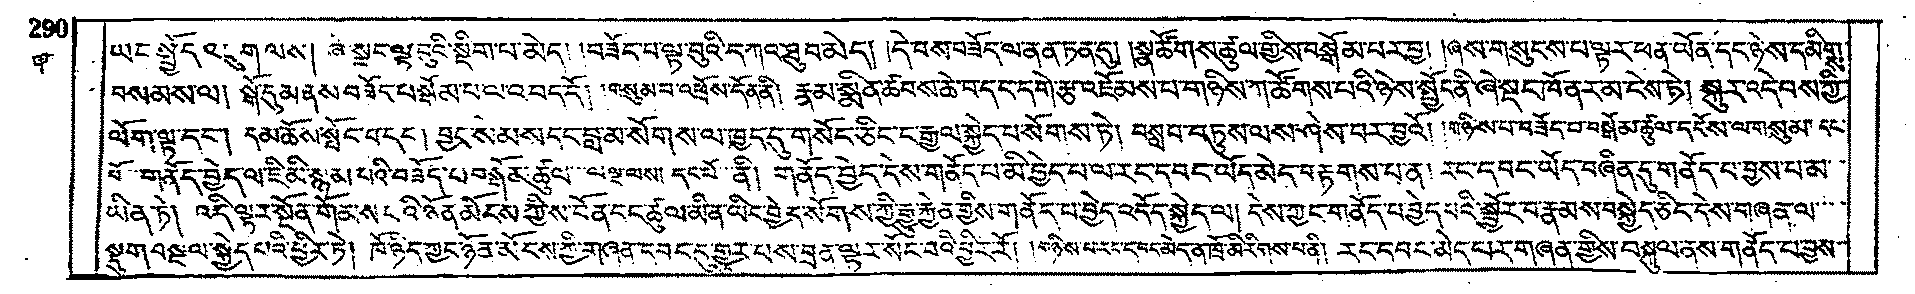ཡང་སྤྱོད་འཇུག་ལས། ཞེ་སྡང་ལྟ་བུའི་སྡིག་པ་མེད། །བཟོད་པ་ལྟ་བུའི་དཀའ་ཐུབ་མེད། །དེ་བས་བཟོད་ལ་ནན་ཏན་དུ། །སྣ་ཚོགས་ཚུལ་གྱིས་བསྒོམ་པར་བྱ། །ཞས་གསུངས་པ་ལྟར་ཕན་ཡོན་དང་ཉེས་དམིགས་
བསམས་ལ། སྒོ་དུམ་ནས་བཟོད་བསྒོམ་པ་ལ་འབད་དོ། །གསུམ་པ་འཕྲོས་དོན་ནི།  རྣམ་སྨིན་ཚབས་ཆེ་བ་དང་དགེ་རྩ་འཇོམས་པ་གཉིས་ཀ་ཚོགས་པའི་ཉེས་སྤྱོང་ནི་ཞེ་སྡང་ཁོ་ནར་མ་ངེས་ཏེ། སྐུར་འདེབས་ཀྱི་
ལོག་ལྟ་དང་། དམ་ཆོས་སྤོང་པ་དང་། བྱང་སེམས་དང་བླ་མ་སོགས་ལ་ཁྱད་དུ་གསོད་ཅིང་ང་རྒྱལ་སྐྱེད་པ་སོགས་ཏེ། བསླབ་བཏུས་ལས་ཤེས་པར་བྱའོ། །གཉིས་པ་བཟོད་པ་བསྒོམ་ཚུལ་དངོས་ལ་གསུམ། དང་
པོ་གནོད་བྱེད་ལ་ཇི་མི་སྙམ་པའི་བཟོད་པ་བསྒོམ་ཚུལལ་ལྔ་ལས། དང་པོནི། གནོད་བྱེད་དེས་གནོད་པ་མི་བྱེད་པ་ལ་རང་དབང་ཡོད་མེད་བརྟགས་པ་ན། རང་དབང་ཡོད་བཞིན་དུ་གནོད་པ་བྱས་པ་མ་
ཡིན་ཏེ། འདི་ལྟར་སྔོན་གོམས་པའི་ཉོན་མོངས་ཀྱི་ས་བོན་ངང་ཚུལ་མིན་ཡིང་བྱེད་སོགས་ཀྱི་རྒྱུ་རྐྱེན་གྱིས་གནོད་པ་བྱེད་འདོད་སྐྱེད་ལ། དེས་ཀྱང་གནོད་པ་བྱེད་པའི་སྦྱོར་བ་རྣམས་བསྐྱེད་ཅིང་དེས་གཞན་ལ་
སྡུག་བསྔལ་སྐྱེད་པའི་ཕྱིར་ཏེ། ཁོ་ཉིད་ཀྱང་ཉོན་མོངས་ཀྱི་གཞན་དབང་དུ་གྱུར་པས་བྲན་ལྟར་སོང་བའི་ཕྱིར་རོ། །གཉིས་པ་རང་དབང་མེད་ན་ཁྲོ་མི་རིགས་པ་ནི།  རང་དབང་མེད་པར་གཞན་གྱིས་བསྐུལ་ནས་གནོད་པ་བྱས་